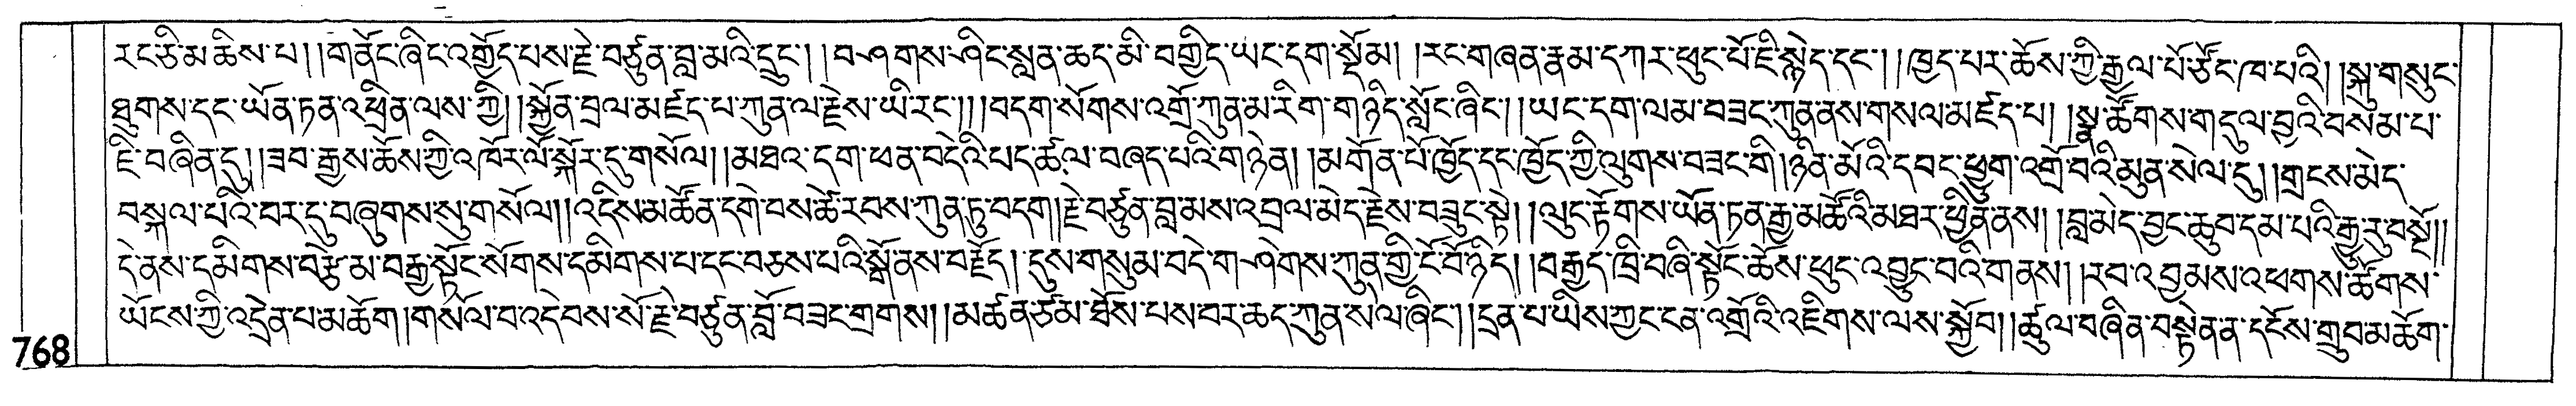རང་ཅི་མཆིས་པ། །གནོང་ཞིང་འགྱོད་པས་རྗེ་བཙུན་བླ་མའི་དྲུང་། །བཤགས་ཤིང་སླན་ཆད་མི་བགྱིད་ཡང་དག་སྡོམ། །རང་གཞན་རྣམ་དཀར་ཕུང་པོ་ཇི་སྙེད་དང་། །ཁྱད་པར་ཆོས་ཀྱི་རྒྱལ་པོ་ཙོང་ཁ་པའི། །སྐུ་གསུང་
ཐུགས་དང་ཡོན་ཏན་འཕྲིན་ལས་ཀྱི། །སྐྱོན་བྲལ་མཛད་པ་ཀུན་ལ་རྗེས་ཡི་རང།། །བདག་སོགས་འགྲོ་ཀུན་མ་རིག་གཉིད་སློང་ཞིང་། །ཡང་དག་ལམ་བཟང་ཀུན་ནས་གསལ་མཛད་པ། །སྣ་ཚོགས་གདུལ་བྱའི་བསམ་པ་
ཇི་བཞིན་དུ། །ཟབ་རྒྱས་ཆོས་ཀྱི་འཁོར་ལོ་སྐོར་དུ་གསོལ། །མཐའ་དག་ཕན་བདེའི་པད་ཚལ་བཞད་པའི་གཉེན། །མགོན་པོ་ཁྱོད་དང་ཁྱོད་ཀྱི་ལུགས་བཟང་གི །ཉོན་མོའི་དབང་ཕྱུག་འགྲོ་བའི་མུན་སེལ་དུ། །གྲངས་མེད་
བསྐལ་པའི་བར་དུ་བཞུགས་སུ་གསོལ། །འདིས་མཚོན་དགེ་བས་ཚེ་རབས་ཀུན་ཏུ་བདག །རྗེ་བཙུན་བླ་མས་འབྲལ་མེད་རྗེས་བཟུང་སྟེ། །ལུང་རྟོགས་ཡོན་ཏན་རྒྱ་མཚོའི་མཐར་ཕྱིན་ནས། །བླ་མེད་བྱང་ཆུབ་དམ་པའི་རྒྱུ་རུ་བསྔོ། །
དེ་ནས་དམིགས་བརྩེ་མ་བརྒྱ་སྟོང་སོགས་དམིགས་པ་དང་བཅས་པའི་སྒོ་ནས་བརྗོད། །དུས་གསུམ་བདེ་གཤེགས་ཀུན་གྱི་ངོ་བོ་ཉིད། །བརྒྱད་ཁྲི་བཞི་སྟོང་ཆོས་ཕུང་འབྱུང་བའི་གནས། །རབ་འབྱམས་འཕགས་ཚོགས་
ཡོངས་ཀྱི་འདྲེན་པ་མཆོག །གསོལ་བ་འདེབས་སོ་རྗེ་བཙུན་བློ་བཟང་གྲགས། །མཚན་ཙམ་ཐོས་པས་བར་ཆད་ཀུན་སེལ་ཞིང་། །དྲན་པ་ཡིས་ཀྱང་ངན་འགྲོའི་འཇིགས་ལས་སྐྱོབ། །ཚུལ་བཞིན་བསྟེན་ན་དངོས་གྲུབ་མཆོག་